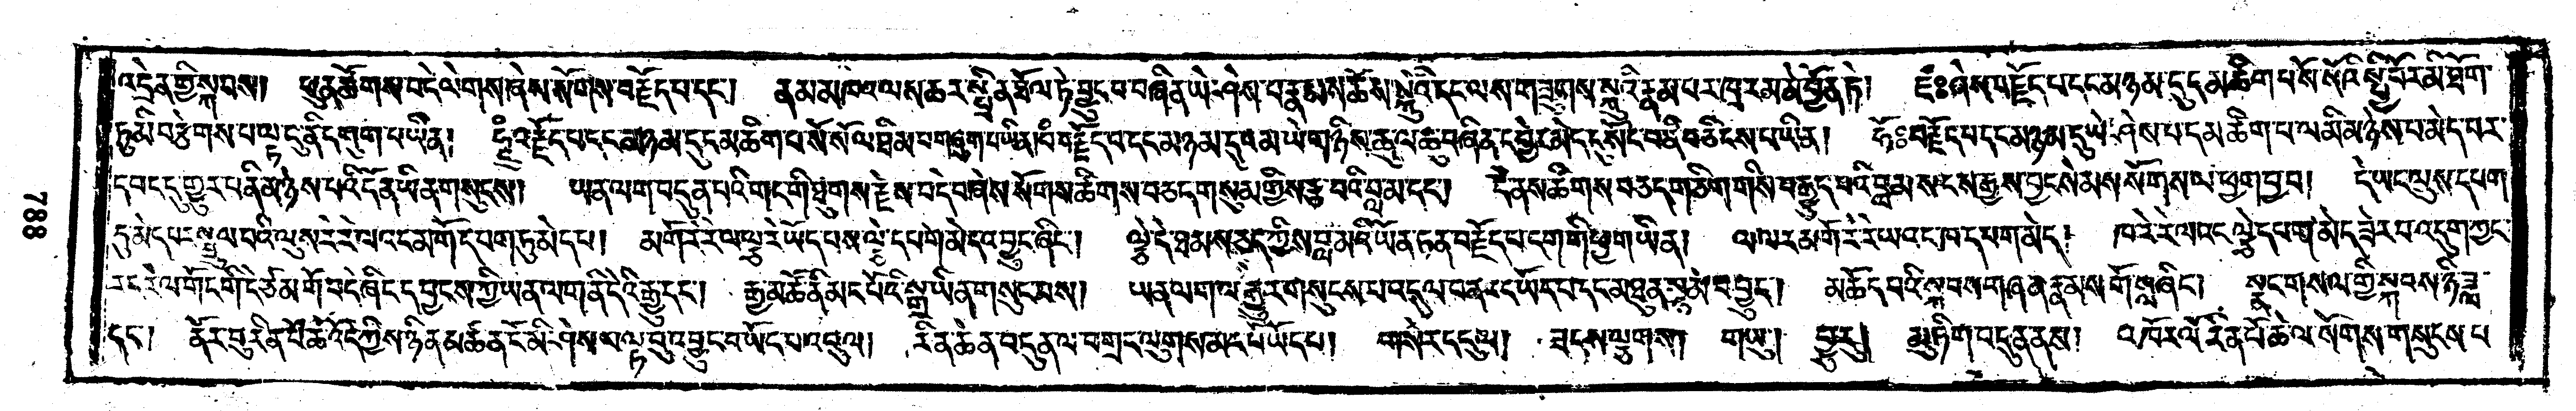འདྲེན་གྱི་སྐབས། ཕུན་ཚོགས་བདེ་ལེགས་ཞེས་སོགས་བརྗོད་པ་དང་། ནམ་མཁའ་ལས་ཆར་སྤྲིན་ཐོལ་ཏེ་བྱུང་བ་བཞིན་ཡེ་ཤེས་པ་རྣམས་སྐུའི་དང་ལས་གཟུགས་སྐུའི་རྣམ་པར་ཁྲ་རམ་མེ་བྱོན་ཏེ། ཛཿ ཞེས་བརྗོད་པ་དང་མཉམ་དུ་དམ་ཚིག་པ་སོ་སོའི་སྤྱི་བོར་མི་ཐོག་
ཏུ་མི་བརྩེགས་པ་ལྟ་བུ་ནི་དགུག་པ་ཡིན། ཧཱུཾ་བརྗོད་པ་དང་མཉམ་དུ་དམ་ཚིག་པ་སོ་སོ་ལ་ཐིམ་པ་གཞུག་པ་ཡིན། བཾ་བརྗོད་པ་དང་མཉམ་དུ་བམ་ཡེ་གཉིས་ཆུ་ལ་ཆུ་བཞིན་དབྱེར་མེད་དུ་སོང་བ་ནི་བཅིངས་པ་ཡིན། ཧོཿབརྗོད་པ་དང་མཉམ་དུ་ཡེ་ཤེས་པ་དམ་ཚིག་པ་ལ་མི་མཉེས་པ་མེད་པར་
དབང་དུ་གྱུར་པ་ནི་མཉེས་པའི་དོན་ཡིན་གསུངས། ཡན་ལག་བདུན་པའི་གང་གི་ཐུགས་རྗེས་བདེ་བ་ཞེས་སོགས་ཚིགས་བཅད་གསུམ་གྱིས་རྩ་བའི་བླ་མ་དང་། དེ་ནས་ཚིགས་བཅད་གཅིག་གིས་བརྒྱུད་པའི་བླ་མ་སངས་རྒྱས་བྱང་སེམས་སོགས་ལ་ཕྱག་བྱ་བ། དེ་ཡང་ལུས་དཔག་
ཏུ་མེད་པར་སྤྲུལ་པའི་ལུས་རེ་རེ་ལའང་མགོ་དཔག་ཏུ་མེད་པ། མགོ་རེ་རེ་ལ་ལྕ་རེ་ཡོད་པས་ལྕེ་དཔག་མེད་འབྱུང་ཞིང་། ལྕེ་དེ་ཐམས་ཅད་ཀྱིས་བླ་མའི་ཡོན་ཏན་བརྗོད་པ་དག་གི་ཕྱག་ཡིན། ལ་ལར་མགོ་རེ་རེ་ཡའང་ཁ་དཔག་མེད། ཁ་རེ་རེ་ལའང་ལྕེ་དཔག་མེད་ཟེར་བ་འདུག་ཀྱང་
རང་རེ་ལ་གོང་གི་དེ་ཙམ་གོ་བདེ་ཞིང་དབྱངས་ཀྱི་ཡན་ལག་ནི་དེའི་རྒྱུ་དང་། རྒྱ་མཚོ་ནི་མང་པོའི་སྒྲ་ཡིན་གསུང་བས། ཡན་ལག་ལ་རྒྱུར་གསུངས་པ་འདུལ་བ་ན་རང་ཡོད་པ་དང་མཐུན་སྙམ་འབྱུང་། མཆོད་པའི་སྐབས་གཞན་རྣམས་གོ་སླ་ཞིང་། སྣང་གསལ་གྱི་སྐབས་ཉི་ཟླ་
དང་། ནོར་བུ་རིན་པོ་ཆེ་འོད་ཀྱིས་ཉིན་མཚན་ངོ་མི་ཤེས་པ་ལྟ་བུ་འབྱུང་བ་ཡོད་པ་འབུལ། རིན་ཆེན་བདུན་ལ་བགྲང་ལུགས་མང་པོ་ཡོད་པ། གསེར་དངུལ། ཟངས་ལྕགས། གཡུ། བྱུ་རུ། མུ་ཏིག་བདུན་ནས། འཁོར་ལོ་རིན་པོ་ཆེ་ལ་སོགས་གསུངས་པ་